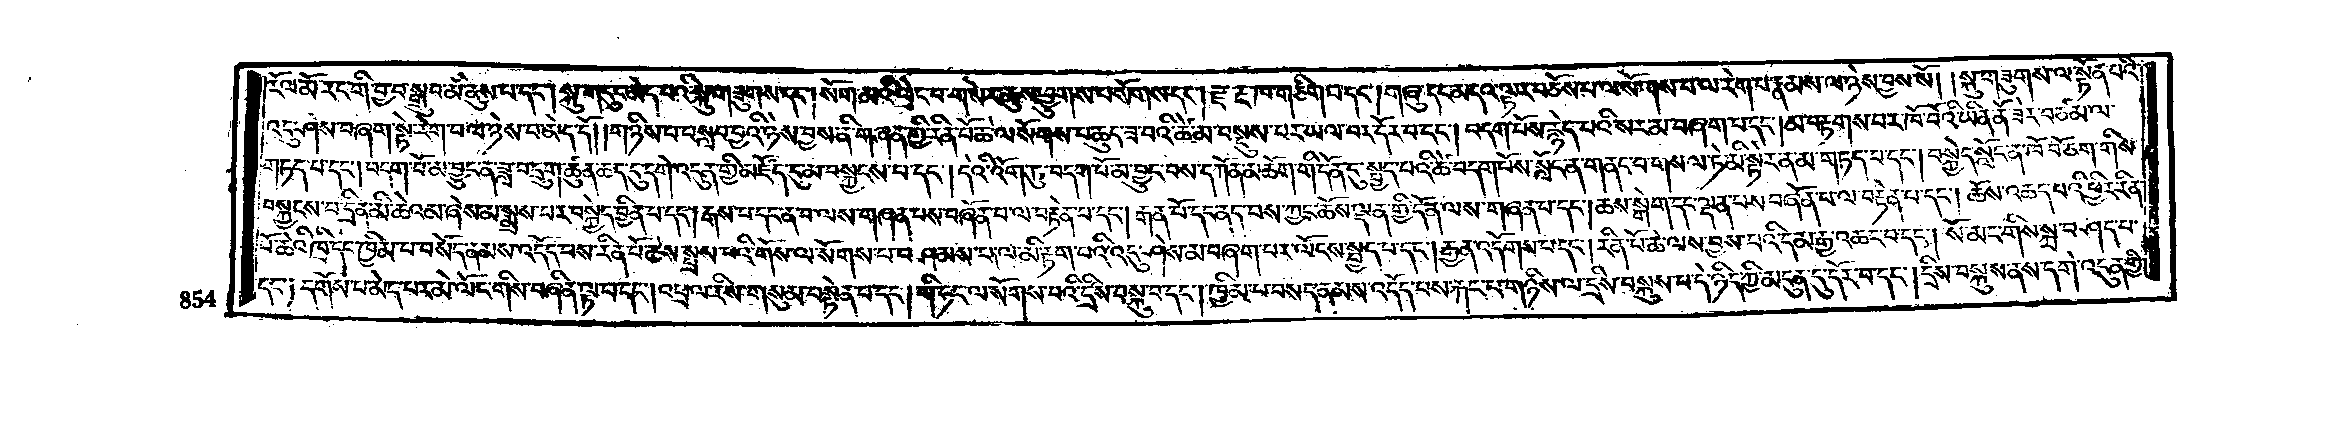རོལ་མོ་རང་གི་བྱ་བ་སྒྲུབ་མི་ནུས་པ་དང་། སྐུ་གདུང་མེད་པའི་སྐུ་གཟུགས་དང་། སོག་མའི་ཕྲེང་བ་གསེར་ཆུས་ཕྱུགས་པ་སོགས་དང་། རྫ་རྔ་ཁ་གཅིག་པ་དང་། གཞུ་དང་མདའ་ལྟར་བཅོས་པ་ལ་སོགས་པ་ལ་རེག་པ་རྣམས་ལ་ཉེས་བྱས་སོ། །སྐུ་གཟུགས་ལ་སྟོན་པའི་
འདུ་ཤེས་བཞག་སྟེ་རེག་པ་ལ་ཉེས་པ་མེད་དོ། །གཉིས་པ་བསླབ་བྱའི་ཉེས་བྱས་ནི་གཞན་གྱི་རིན་པོ་ཆེ་ལ་སོགས་པ་ཆུད་ཟ་བའི་ཚེ་མ་བསྡུས་པར་ཡལ་བར་དོར་བ་དང་། བདག་པོས་རྙེད་པའི་སར་མ་བཞག་པ་དང་། མ་བརྟགས་པར་ཁོ་བོའི་ཡིན་ནོ་ཟེར་བ་ཙམ་ལ་
གཏད་པ་དང་། བདག་པོ་མ་བྱུང་ན་ཟླ་བ་དྲུག་ཚུན་ཆད་དུ་དགེ་འདུན་གྱི་མཛོད་དུ་མ་བསྐྱངས་པ་དང་། དེའི་འོག་ཏུ་བདག་པོ་མ་བྱུང་བས་དཀོན་མཆོག་གི་དོན་དུ་སྤྱད་པའི་ཚེ་བདག་པོས་སློང་ན་གནང་བ་གསལ་ཏེ་མི་སྟེར་ན་མ་གཏད་པ་དང་། བསྐྱེད་སློང་ན་ཁོ་བོ་ཅག་གིས་
བསྐྱངས་པ་དྲིན་མི་ཆེའམ་ཞེས་མ་སྨྲས་པར་བསྐྱེད་བྱིན་པ་དང་། རྒས་པ་དང་ན་བ་ལས་གཞན་པས་བཞོན་པ་ལ་བརྟེན་པ་དང་། རྒན་པོ་དང་ནད་པས་ཀྱང་ཆོས་ལྡན་གྱི་དོན་ལས་གཞན་པ་དང་། ཆས་སྒེག་དང་ལྡན་པས་བཞོན་པ་ལ་བརྟེན་པ་དང་། ཆོས་འཆད་པའི་ཕྱིར་རིན་
པོ་ཆེའི་ཁྲི་དང་ཁྱིམ་པ་བསོད་ནམས་འདོད་པས་རིན་པོ་ཆེས་སྤྲས་པའི་གོས་ལ་སོགས་པ་བཤམས་པ་ལ་མི་རྟག་པའི་འདུ་ཤེས་མ་བཞག་པར་ལོངས་སྤྱད་པ་དང་། རྒྱན་འདོགས་པ་དང་། རིན་པོ་ཆེ་ལས་བྱས་པའི་དམ་རྒྱ་འཆང་བ་དང་། སོ་མང་གིས་སྐྲ་བཤད་པ་
དང༑ དགོས་པ་མེད་པར་མེ་ལོང་གིས་བཞིན་ལྟ་བ་དང་། འཕྲལ་རིས་གསུམ་བསྟེན་བ་དང་། གི་ཧད་ལ་སོགས་པའི་དྲིས་བསྐུ་བ་དང་། ཁྱིམ་པ་བསད་ནམས་འདོད་པས་རྐང་པ་གཉིས་ལ་དྲིས་བསྐུས་པ་དེ་ཉིད་ཀྱི་མདུན་དུ་དོར་བ་དང་། དྲིས་བསྐུས་ནས་དགེ་འདུན་གྱི་